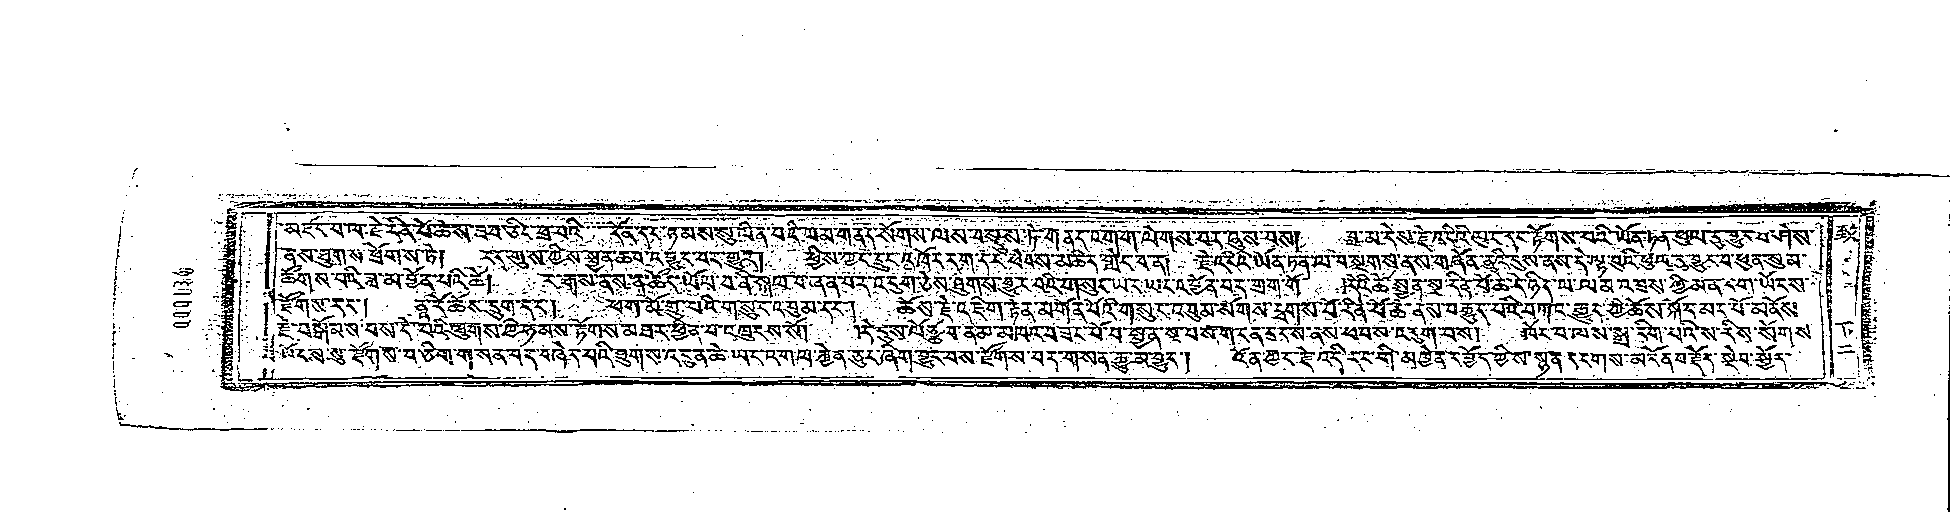མཛད་པ་ལ་རྗེ་རིན་པོ་ཆེས་ཟབ་ཅིང་ཕྲ་བའི་དོན་དང་ཉམས་སུ་ལེན་བའི་ལམ་གནད་སོགས་ལས་བསྡུས་ཏེ་གནད་འགག་ལེགས་བར་ཞུས་བས། བླ་མ་དེས་རྗེ་འདིའི་ལུང་དང་རྟོགས་པའི་ཡོན་ཏན་ཕུལ་དུ་བྱུང་བ་ཤེས་
ནས་ཐུགས་ཕྲོགས་ཏེ། དང་གུས་ཀྱིས་སྤྱན་ཆབ་འབྱུང་བར་གྱུར། ཕྱིས་ཀྱང་དྲུང་འཁོར་དག་དང་ཕེབས་མཆིད་གླེང་བ་ན། རྗེ་འདིའི་ཡོན་ཏན་ལ་བསྔགས་ནས་གཞོན་ནུའི་དུས་ནས་དེ་ལྟ་བུའི་ཕུལ་དུ་བྱུང་བ་ཕུན་སུམ་
ཚོགས་པའི་བླ་མ་བྱོན་པའི་ཚེ། ང་རྒས་ནས་ན་ཚོད་ཡོལ་བ་ནི་སྐལ་བ་ཞན་པར་འདུག་ཅེས་ཐུགས་བྱུང་བའི་གསུང་ཡང་ཡང་འབྱོན་བར་གྲག་གོ །དེའི་ཚེ་སྤྱན་སྔ་རིན་པོ་ཆེ་དེ་ཉིད་ལ་ལམ་འབྲས་ཀྱི་མན་ངག་ཡོངས་
རྫོགས་དང་། ནཱ་རོ་ཆོས་དྲུག་དང་། ཕག་མོ་གྲུ་པའི་གསུང་འབུམ་དང་། ཆོས་རྗེ་འཇིག་རྟེན་མགོན་པོའི་གསུང་འབུམ་སོགས་དྭགས་བོ་རིན་པོ་ཆེ་ནས་བརྒྱུད་པའི་བཀའ་རྒྱུད་ཀྱི་ཆོས་སྐོད་མང་པོ་མནོས་
རྗེ་བསྒོམས་བས་དེ་བའི་ཐུགས་ཀྱི་ཉམས་རྟོགས་མཐར་ཕྱིན་པ་འཁྲུངས་སོ། །དེ་དུས་ལོཙྪ་བ་ནམ་མཁའ་བཟང་པོ་བ་སྤྱན་སྔ་པས་གདན་དྲངས་ནས་ཕེབས་འདུག་བས། ཁོར་པ་ལས་སྒྲ་རིག་པའི་ས་རིས་སོགས་
ཡོངས་སུ་རྫོགས་བ་ཅིག་གསན་བར་བཞེད་པའི་ཐུགས་འདུན་ཆེ་ཡང་འགལ་རྐྱེན་ཅུང་ཞིག་བྱུང་བས་རྫོགས་བར་གསན་རྒྱུ་མ་བྱུང་། འོན་ཀྱང་རྗེ་འདི་རང་གི་མཁྱེན་དབྱོད་ཀྱིས་སྙན་དངགས་མངོན་བརྗོད་སྡེབས་སྦྱོར་